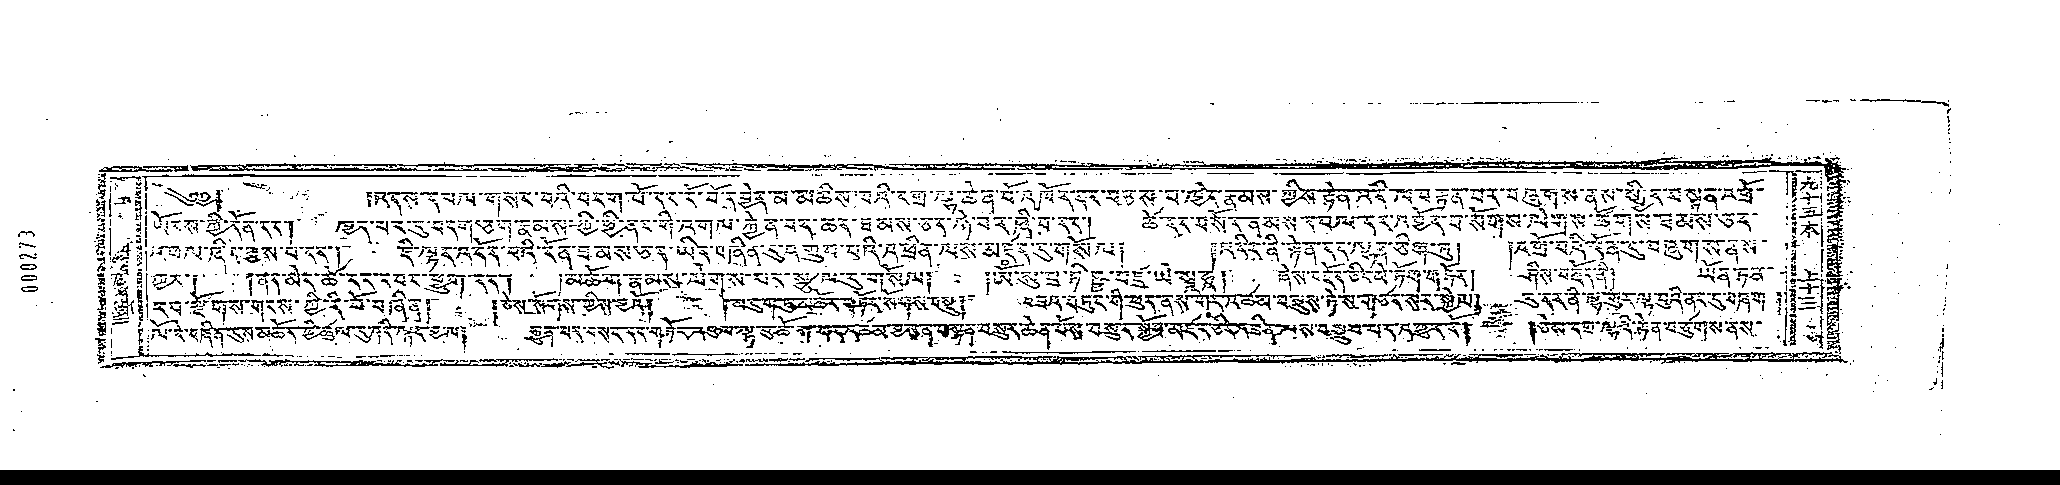༄༅། །འདས་དཔལ་གསང་བའི་བདག་པོ་དང་ངོ་བོ་དབྱེར་མ་མཆིས་པའི་དགྲ་ལྷ་ཆེན་བོ་འཁོར་དང་བཅས་པ་ཁྱེད་རྣམས་ཀྱིས་རྟེན་འདི་ལ་བརྟན་པར་བཞུགས་ནས་སྤྱིར་བསྟན་འགྲོ་
ཡོངས་ཀྱི་དོན་དང་། ཁྱད་པར་དུ་བདག་ཅག་རྣམས་ཀྱི་ཕྱི་ནང་གི་འགལ་རྐྱེན་བར་ཆད་ཐམས་ཅད་ཉེ་བར་ཞི་བ་དང་། ཚེ་དང་བསོད་ནམས་དཔལ་དང་འབྱོར་བ་སོགས་ལེགས་ཚོགས་ཐམས་ཅད་
འཕེལ་ཞིང་རྒྱས་པ་དང་། ཇི་ལྟར་འདོད་པའི་དོན་ཐམས་ཅད་ཡིད་བཞིན་དུ་འགྲུབ་པའི་འཕྲིན་ལས་མཛད་དུ་གསོལ། །འདིར་ནི་རྟེན་དང་ལྷན་ཅིག་ཏུ། །འགྲོ་བའི་དོན་དུ་བཞུགས་ནས་
ཀྱང་། །ནད་མེད་ཚེ་དང་དབང་ཕྱུག་དང་། །མཆོག་རྣམས་ལེགས་པར་སྩལ་དུ་གསོལ། །ཨོཾ་སུ་པྲ་ཏི་ཥཊཿཨ་བཛྲ་ཡེ་སྭཱཧཱ། །ཞེས་བརྗོད་ཅིང་མེ་ཏོག་གཏོང་། ཤིས་བརྗོད་ནི། ཡོན་ཏན་
རབ་རྫོགས་གངས་ཀྱི་རི་བོ་བཞིན། །ཅེས་སོགས་ཀྱིས་བྱའོ། །མཇུག་ཏུ་མཆོད་གཏོར་སོགས་བསྡུ། །བཟའ་བཏུང་གཾ་ཕུད་ནས་གང་འཚམ་བསྡུས་ཏེ་ས་གཙང་སར་སྐྱེལ། །རུ་དང་ནི་ལྷ་གུར་ལྟ་བུའི་ནང་དུ་བཞག།།
ལོ་རེ་བཞིན་དུས་མཆོད་ཀྱི་ཚུལ་དུ་འདི་ལྟར་བྱ་ལ། །རྒྱུན་པར་བསད་དང་གཏོར་འབུལ་ལྷ་བུ་ཆོ་ག་གང་འཚམ་བྱས་ན་བསྟན་བསྲུང་ཆེན་པོས་བསྲུང་སྐྱོབ་མཛད་ཅིང་འཕྲིན་ལས་བསྒྲུབ་པར་འགྱུར་རོ། །ཅེས་དགྲ་ལྷའི་རྟེན་བཙུགས་ནས་